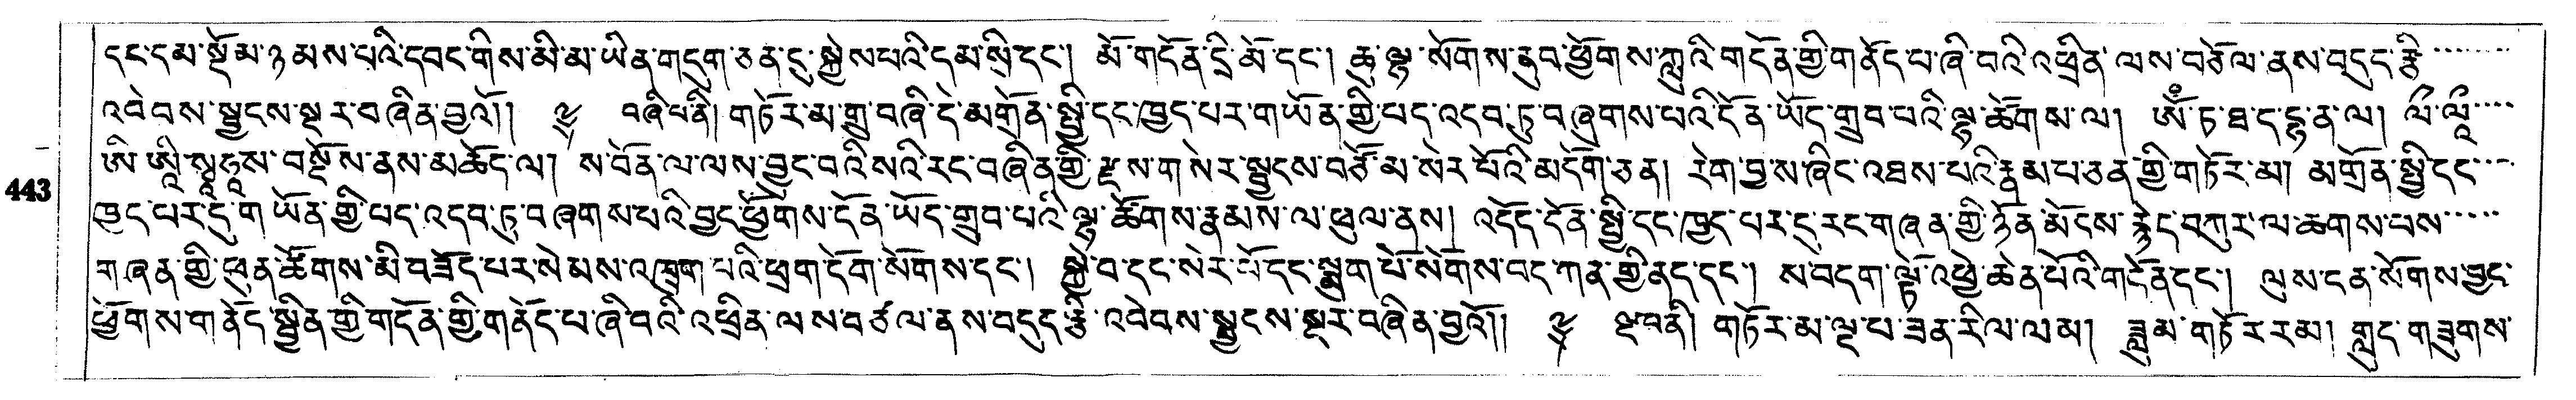དང་དམ་སྡོམ་ཉམས་པའི་དབང་གིས་མི་མ་ཡིན་གདུག་ཅན་དུ་སྐྱེས་པའི་དམ་སྲི་དང་། མོ་གདོན་དྲི་མོ་དང་། ཆུ་ལྷ་སོགས་ནུབ་ཕྱོགས་ཀླུའི་གདོན་གྱི་གནོད་པ་ཞི་བའི་འཕྲིན་ལས་བཅོལ་ནས་བདུད་རྩི་
འབེབས་སྦྱངས་སྔར་བཞིན་བྱའོ།། ༈ བཞི་པ་ནི།  གཏོར་མ་གྲུ་བཞི་དེ་མགྲོན་སྤྱི་དང་ཁྱད་པར་གཡོན་གྱི་པད་འདབ་ཏུ་བཞུགས་པའི་དོན་ཡོད་གྲུབ་པའི་ལྷ་ཚོགས་ལ། ཨོཾ་ཏ་ཐ་ད་དྷ་ན་ལ། ལྀ་ལཱྀ་
ཨི་ཨཱི་སྭཱཧཱ་ས་བསྔོས་ནས་མཆོད་ལ། ས་བོན་ལ་ལས་བྱུང་བའི་སའི་རང་བཞིན་གྱི་རྫས་གསེར་སྦྱངས་བཙོ་མ་སེར་པོའི་མདོག་ཅན། རེག་བྱ་ས་ཞིང་འཐས་པའི་རྣམ་པ་ཅན་གྱི་གཏོར་མ། མགྲོན་སྤྱི་དང་
ཁྱད་པར་དུ་གཡོན་གྱི་པད་འདབ་ཏུ་བཞགས་པའི་བྱང་ཕྱོགས་དོན་ཡོད་གྲུབ་པའི་ལྷ་ཚོགས་རྣམས་ལ་ཕུལ་ནས། འདོད་དོན་སྤྱི་དང་ཁྱད་པར་དུ་རང་གཞན་གྱི་ཉོན་མོངས་རྙེད་བཀུར་ལ་ཆགས་པས་
གཞན་གྱི་ཕུན་ཚོགས་མི་བཟོད་པར་སེམས་འཁྲུག་པའི་ཕྲག་དོག་སོགས་དང་། སྐྱེ་བ་དང་སེར་པོ་དང་སྨུག་པོ་སོགས་བད་ཀན་གྱི་ནད་དང་། ས་བདག་ལྟོ་འཕྱེ་ཆེན་པོའི་གདོན་དང་། ལུས་ངན་སོགས་བྱང་
ཕྱོགས་གནོད་སྦྱིན་གྱི་གདོན་གྱི་གནོད་པ་ཞི་བའི་འཕྲིན་ལས་བཙལ་ནས་བདུད་རྩི་འབེབས་སྦྱངས་སྔར་བཞིན་བྱའོ།། ༈ ལྔ་པ་ནི། གཏོར་མ་ལྔ་པ་ཟན་རིལ་ལམ། ཟླུམ་གཏོར་རམ། གླུད་གཟུགས་